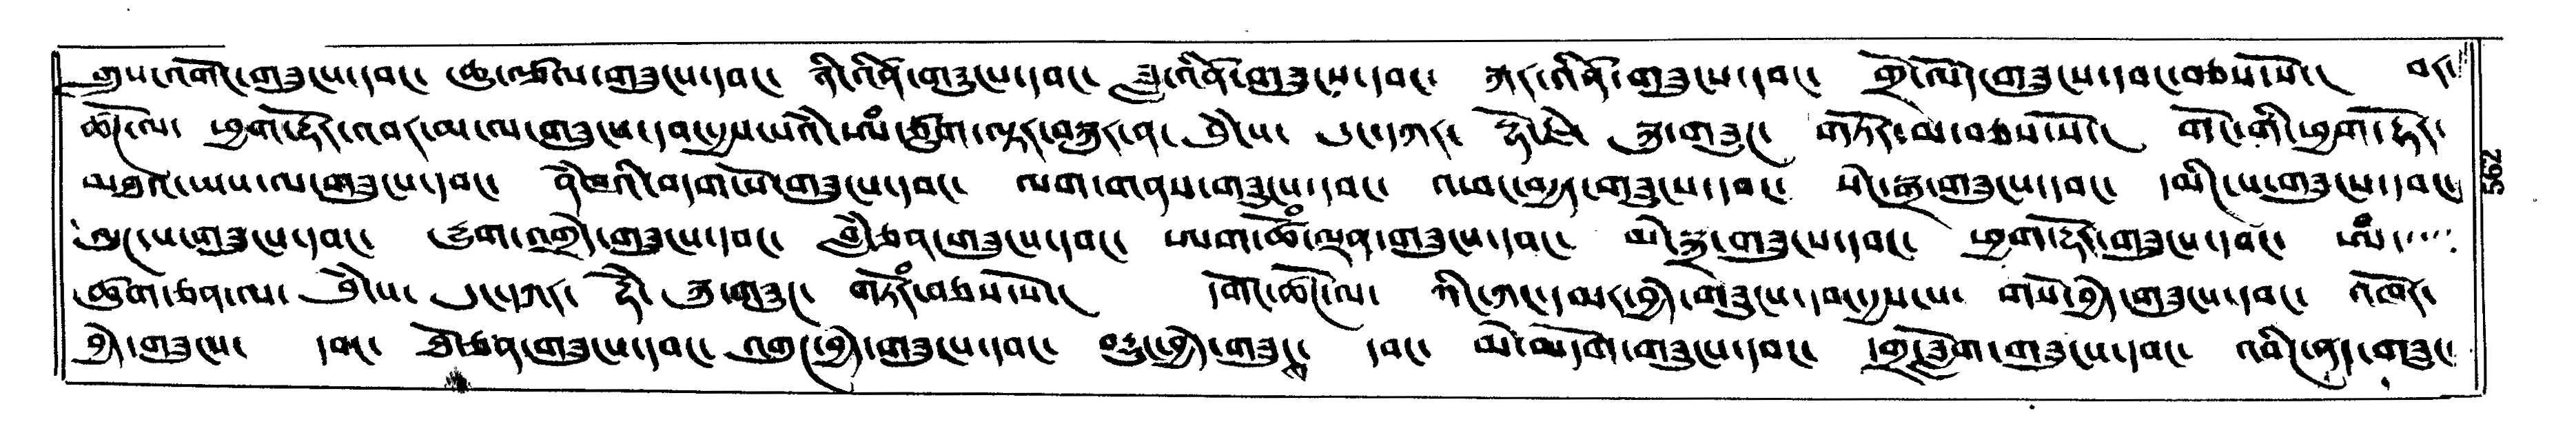གྲུས་འགོང་གཟུངས་དབང་། ཚུ་རྩལ་གཟུངས་དབང་།ཉི་འཛིན་གཟུངས་དབང། ཟླ་འཛིན་གཟུངས་དབང་། སྐར་འཛིན་གཟུངས་དབང་། གྲོ་ལོད་གཟུངས་དབང་བཅས་སོ། བར་
ཚོགས་ལ། ཕྱག་རྡོར་འབར་མ་ལ་གཟུངས་དབང་རྒྱས་པའམ་ཨཾ་ཙུག་ལྟར་བསྐུར་ན། བུམ་པ། དུང་དཀར། རྡོ་རྗེ། སྐུ་གཟུགས། གཏོར་མ་བཅས་སོ། གོང་གི་ཕྱག་རྡོར་
མཐའ་ཡས་ལ་གཟུངས་དབང་། ནམ་མཁའི་བདག་པོ་གཟུངས་དབང་། ལག་གནས་གཟུངས་དབང་། འཕང་བརྒྱད་གཟུངས་དབང་། སེང་སྒྲ་གཟུངས་དབང་། དམིགས་པ་གཟུངས་དབང་། 
ལུགས་པ་གཟུངས་དབང་། རྒྱུག་འགྲོད་གཟུངས་དབང་། བླ་མ་ཅན་གཟུངས་དབང་། ཨག་ཚོམ་ལྡན་གཟུངས་དབང་། མེ་སྒྲ་གཟུངས་དབང་། ཕྱག་རྡོར་གཟུངས་དབང་། ཨཾ་
ཚུག་ཅན་ལ། བུམ་པ། དུང་དཀར། རྡོ་རྗེ། སྐུ་གཟུགས། གཏོར་མ་བཅས་སོ། དགོང་ཚོགས་ལ། ཀིང་ཀང་དམར་བྱེད་གཟུངས་དབང་རྒྱས་པ། གསོ་བྱེད་གཟུངས་དབང་། འཁོར་
བྱེད་གཟུངས་དབང་། ཐོ་ཅན་གཟུངས་དབང་། འགུགས་བྱེད་གཟུངས་དབང་། བརྡུང་བྱེད་གཟུངས་དབང་། མེ་མདོག་གཟུངས་དབང་། དགྲ་ཟློག་གཟུངས་དབང་། འབིགས་ནད་གཟུངས་